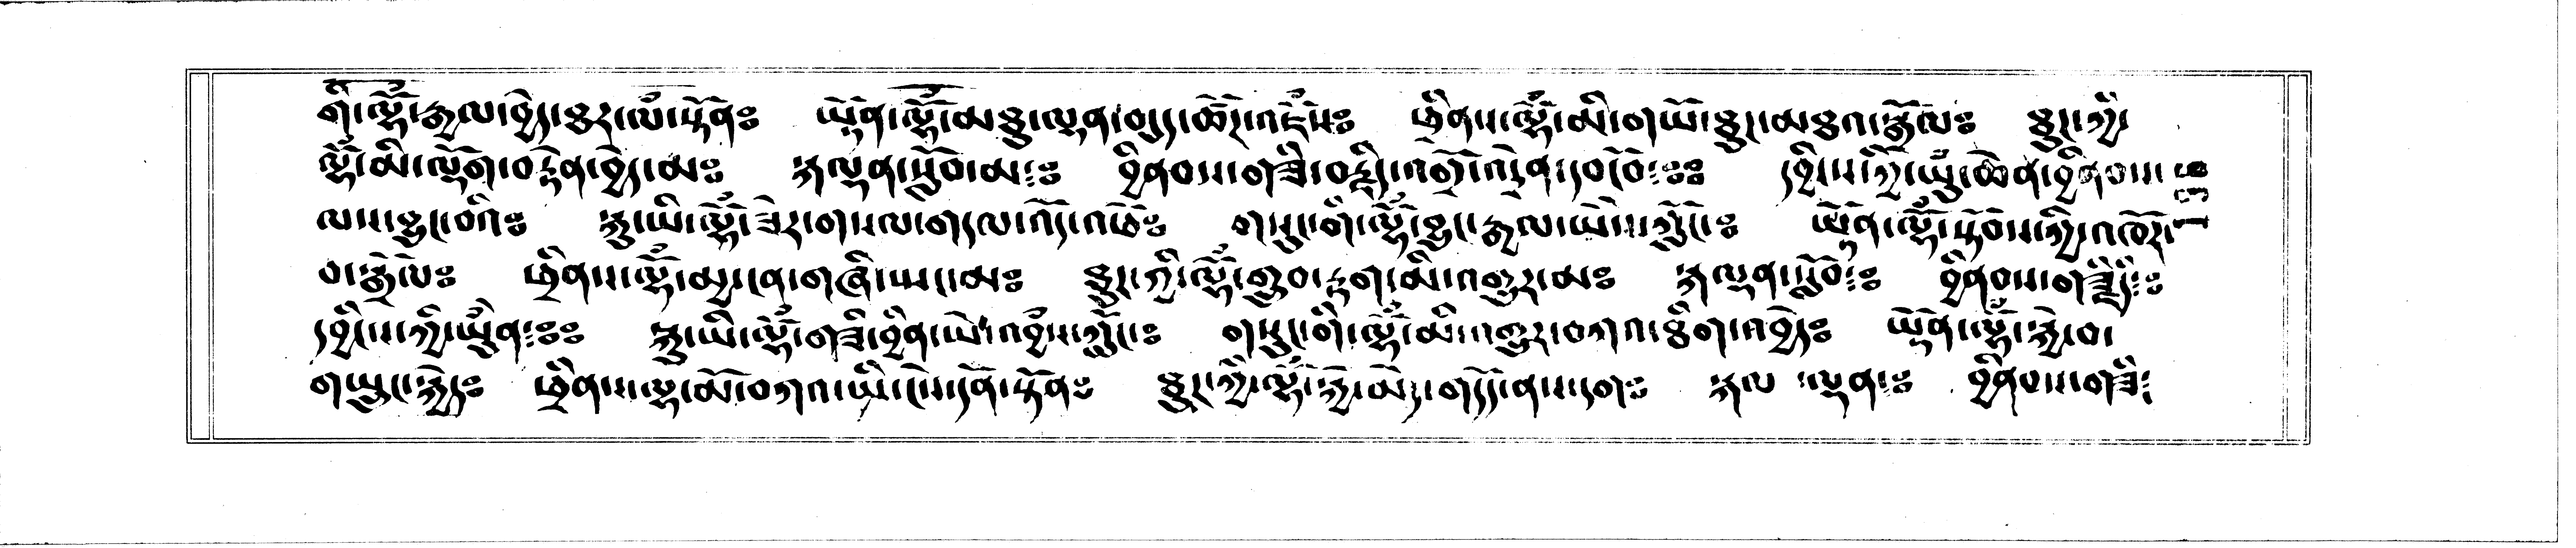གི་ལྷ་མོ་རྒྱལ་བྱེད་ཐར་ལམ་སྟོནཿ ཡོན་ཏན་གྱི་ལྷ་མོ་མཐུ་ལྡན་བདུད་ཚོགས་འཇོམསཿ ཕྲིན་ལས་ཀྱི་ལྷ་མོ་མི་གཡོ་ཐུགས་མཐར་སྒྲོལཿ ཐུགས་ཀྱི་
ལྷ་མོ་མི་ལྡོག་བརྟན་བྱེད་མཿ སྐལ་ལྡན་སློབ་མ་རྣམས་ལ་དབང་བསྐུར་བསཿ བྱིན་རླབས་གཟི་བརྗིད་འགྲོ་འདྲེན་དབང་ཐོབ་ཤོགཿ དབྱིངས་ཀྱི་ཡུམ་ཆེན་བྱིན་རླབས་
ལས་བྱུང་བསཿ སྐུ་ཡི་ལྷ་མོ་ཟེར་གསལ་བདལ་འོད་འཕྲོཿ གསུང་གི་ལྷ་མོ་འབྱུང་རྒྱལ་ཡེ་ཤེས་ཀློངཿ ཡོན་ཏན་ལྷ་མོ་སྟོབས་ཀྱིས་འཁོར་
བ་སྒྲོལཿ ཕྲིན་ལས་ལྷ་མོ་མྱང་ངན་གཞི་སྤོང་མཿ ཐུགས་ཀྱི་ལྷ་མོ་གྲུབ་རྟགས་མི་འགྱུར་མཿ སྐལ་ལྡན་སློབ་མ་རྣམས་ལ་དབང་བསྐུར་བསཿ བྱིན་རླབས་གཟི་བརྗིད་འགྲོ་འདྲེན་དབང་ཐོབ་ཤོགཿ 
དབྱིངས་ཀྱི་ཡུམ་ཆེན་བྱིན་རླབས་ལས་བྱུང་བསཿ སྐུ་ཡི་ལྷ་མོ་གཟི་བྱིན་ཡེ་འབྱམས་ཀློངཿ གསུང་གི་ལྷ་མོ་མི་འགྱུར་བཀའ་ཐིག་འབྱེདཿ ཡོན་ཏན་གྱི་ལྷ་མོ་སྐྱེ་བ་
གཡུང་དྲུང་བསྐྱེདཿ ཕྲིན་ལས་ལྷ་མོ་བཀའ་ཡི་ངེས་དོན་སྟོནཿ ཐུགས་ཀྱི་ལྷ་མོ་སྐྱེ་མེད་གདོད་ནས་དགཿ སྐལ་ལྡན་སློབ་མ་རྣམས་ལ་དབང་བསྐུར་བསཿ བྱིན་རླབས་གཟི་བརྗིད་འགྲོ་འདྲེན་དབང་ཐོབ་ཤོགཿ